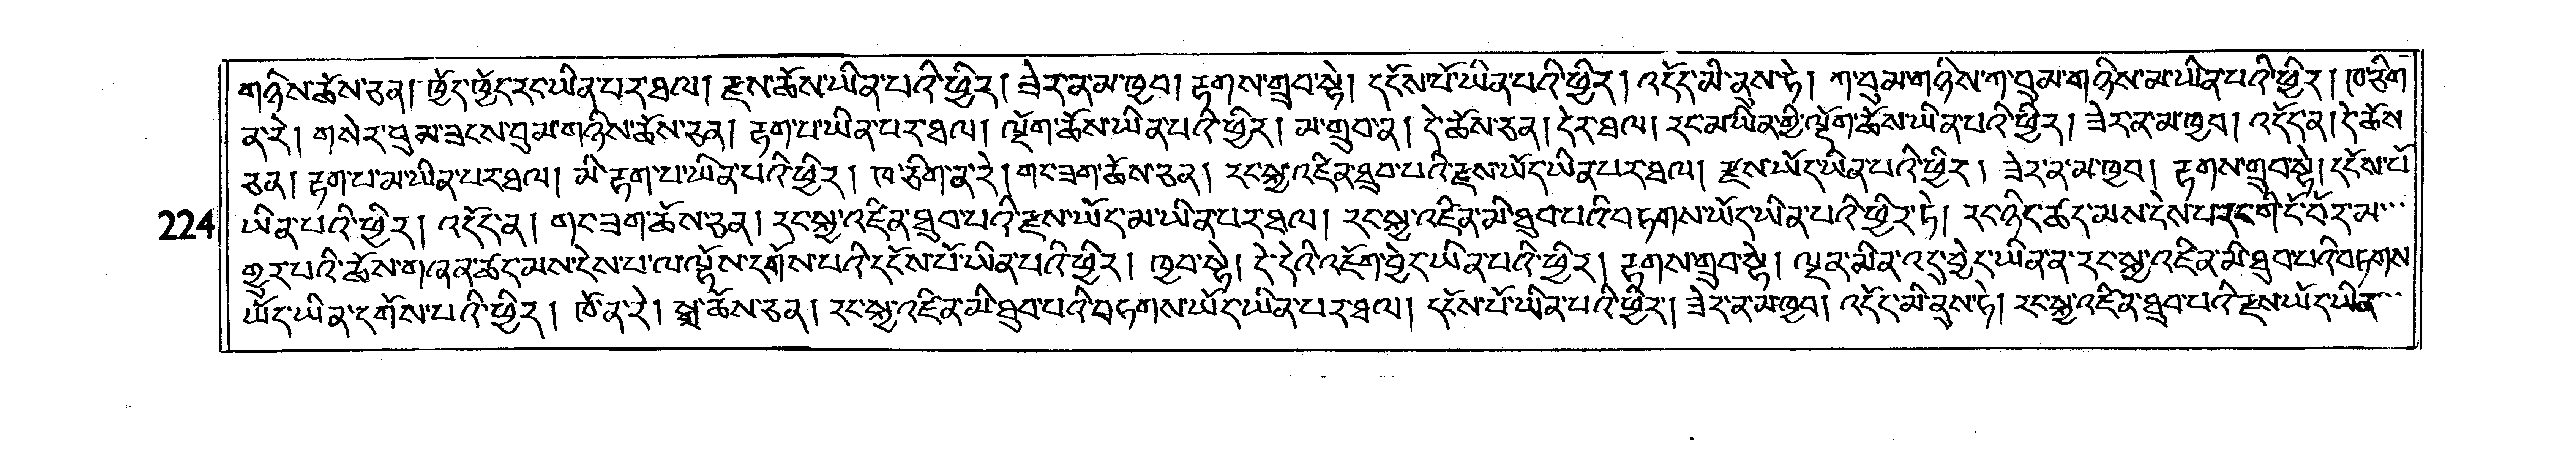གཉིས་ཆོས་ཅན། ཁྱོད་ཁྱོད་རང་ཡིན་པར་ཐལ། རྫས་ཆོས་ཡིན་པའི་ཕྱིར། ཟེར་ན་མ་ཁྱབ། རྟགས་གྲུབ་སྟེ། དངོས་པོ་ཡིན་པའི་ཕྱིར། འདོད་མི་ནུས་ཏེ། ཀ་བུམ་གཉིས་ཀ་བུམ་གཉིས་མ་ཡིན་པའི་ཕྱིར། ཁ་ཅིག་
ན་རེ། གསེར་བུམ་ཟངས་བུམ་གཉིས་ཆོས་ཅན། རྟག་པ་ཡིན་པར་ཐལ། ལྡོག་ཆོས་ཡིན་པའི་ཕྱིར། མ་གྲུབ་ན། དེ་ཆོས་ཅན། དེར་ཐལ། རང་མ་ཡིན་གྱི་ལྡོག་ཆོས་ཡིན་པའི་ཕྱིར། ཟེར་ན་མ་ཁྱབ། འདོད་ན། དེ་ཆོས་
ཅན། རྟག་པ་མ་ཡིན་པར་ཐལ། མི་རྟག་པ་ཡིན་པའི་ཕྱིར། ཁ་ཅིག་ན་རེ། གང་ཟག་ཆོས་ཅན། རང་སྐྱ་འཛིན་ཐུབ་པའི་རྫས་ཡོད་པར་ཐལ། རྫས་ཡོད་ཡིན་པའི་ཕྱིར། ཟེར་ན་མ་ཁྱབ། རྟགས་གྲུབ་སྟེ། དངོས་པོ་
ཡིན་པའི་ཕྱིར། འདོད་ན། གང་ཟག་ཆོས་ཅན། རང་སྐྱ་འཛིན་ཐུབ་པའི་རྫས་ཡོད་མ་ཡིན་པར་ཐལ། རང་སྐྱ་འཛིན་མི་ཐུབ་པའི་བཏགས་ཡོད་ཡིན་པའི་ཕྱིར་ཏེ། རང་ཉིད་ཚད་མས་ངེས་པ་རང་གི་ངོ་བོར་མ་
གྱུར་པའི་ཆོས་གཞན་ཚད་མས་ངེས་པ་ལ་ལྟོས་དགོས་པའི་དངོས་པོ་ཡིན་པའི་ཕྱིར། ཁྱབ་སྟེ། དེ་དེའི་འཇོག་བྱེད་ཡིན་པའི་ཕྱིར། རྟགས་གྲུབ་སྟེ། ལྡན་མིན་འདུ་བྱེད་ཡིན་ན་རང་སྐྱ་འཛིན་མི་ཐུབ་པའི་བཏགས་
ཡོད་ཡིན་དགོས་པའི་ཕྱིར། ཁོ་ན་རེ། སྒྲ་ཆོས་ཅན། རང་སྐྱ་འཛིན་མི་ཐུབ་པའི་བཏགས་ཡོད་ཡིན་པར་ཐལ། དངོས་པོ་ཡིན་པའི་ཕྱིར། ཟེར་ན་མ་ཁྱབ། འདོད་མི་ནུས་ཏེ། རང་སྐྱ་འཛིན་ཐུབ་པའི་རྫས་ཡོད་ཡིན་